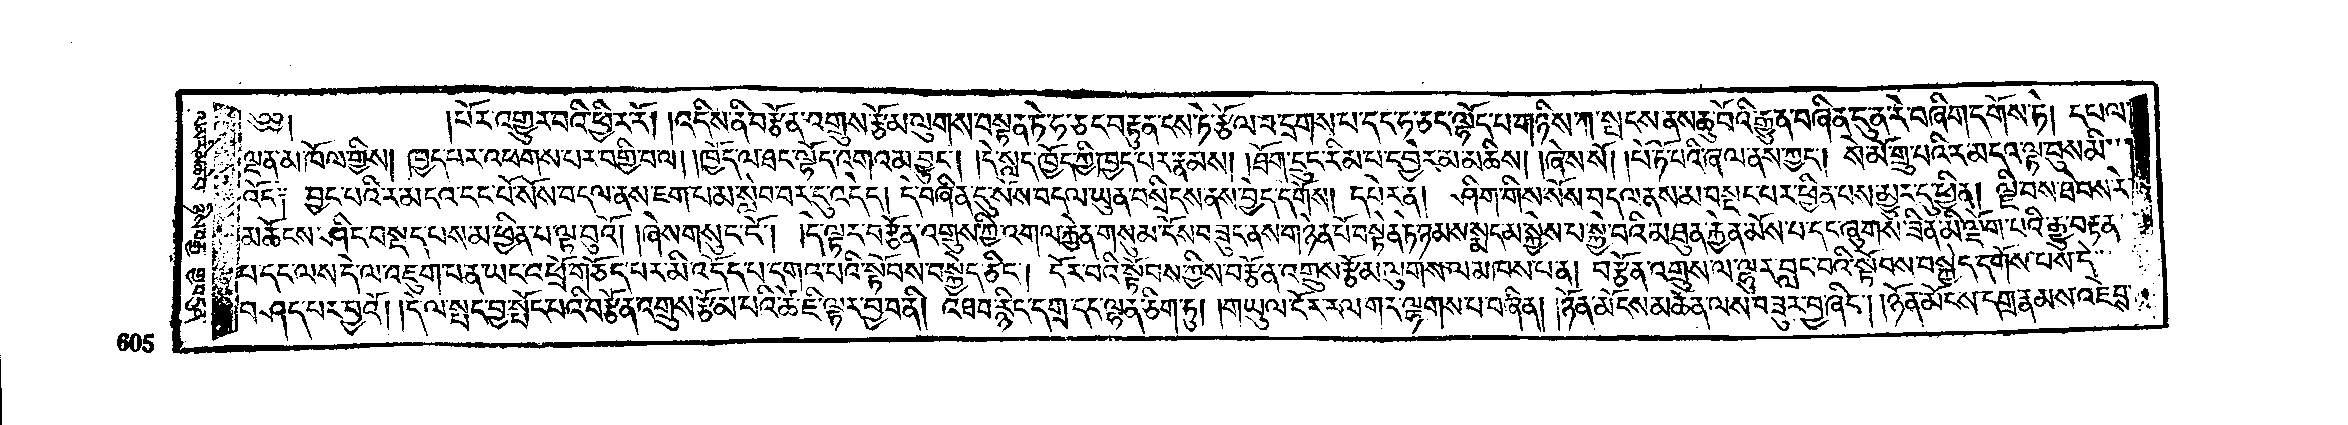༄༅། །པོར་འགྱུར་བའི་ཕྱིར་རོ། །འདིས་ནི་བརྩོན་འགྲུས་རྩོམ་ལུགས་བསྟན་ཏེ་ཧ་ཅང་བརྟུན་ངས་ཏེ་རྩོལ་བ་དྲགས་པ་དང་ཧ་ཅང་ལྷོད་པ་གཉིས་ཀ་སྤངས་ནས་ཆུ་བོའི་རྒྱུན་བཞིན་དུ་ན་རེ་བ་ཞིག་དགོས་ཏེ། དཔལ་
ལྡན་མ་ཁོལ་གྱིས། ཁྱད་པར་འཕགས་པར་བགྱི་བ་ལ། །ཁྱོད་ལ་ཐང་ལྷོད་འགའ་མ་བྱུང་། །དེ་སླད་ཁྱོད་ཀྱི་ཁྱད་པར་རྣམས། །ཐོག་དྲུང་རིམ་པ་དབྱེར་མ་མཆིས། །ཞེས་སོ། །པོ་ཏོ་བའི་ཞལ་ནས་ཀྱང་། སེ་མོ་གྲུ་པའི་ར་མདའ་ལྟ་བུས་མི་
འོང༑ བྱང་པའི་ར་མདའ་དང་པོ་སོས་བདལ་ནས་ཇག་པ་མ་སླེབ་བར་དུ་འདེད། དེ་བཞིན་དུ་སོས་བདལ་ཡུན་བསྲིངས་ནས་བྱེད་དགོས། དཔེར་ན། ཤིག་གིས་སོས་བདལ་ནས་མ་བསྡད་པར་ཕྱིན་པས་མྱུར་དུ་ཕྱིན། ལྗི་བས་ཐེབས་རེ་
མཆོངས་ཤིང་བསྡད་པས་མ་ཕྱིན་པ་ལྟ་བུའོ། །ཞེས་གསུང་ངོ། །དེ་ལྟར་བརྩོན་འགྲུས་ཀྱི་འགལ་རྐྱེན་གསུམ་ངོས་བཟུང་ནས་གཉེན་པོ་བསྟེན་ཏེ་ཉམས་སྨད་མ་སྐྱེས་པ་སྐྱེ་བའི་མཐུན་རྐྱེན་མོས་པ་དང་ཞུགས་ཟིན་མི་ལྡོག་པའི་རྒྱུ་བརྟན་
པ་དང་ལས་དེ་ལ་འཇུག་པ་ན་ཡང་འཕྲོ་གཅོད་པར་མི་འདོད་པ་དགའ་བའི་སྟོབས་བསྐྱེད་ཅིང་། དོར་བའི་སྟོབས་ཀྱིས་བརྩོན་འགྲུས་རྩོམ་ལུགས་ལ་མཁས་པ་ན། བརྩོན་འགྲུས་ལ་ལྷུར་བླང་བའི་སྟོབས་བསྐྱེད་དགོས་པས་དེ་
བཤད་པར་བྱའོ། །དེ་ལ་སྤང་བྱ་སྤོང་བའི་བརྩོན་འགྲུས་རྩོམ་པའི་ཚེ་ཇི་ལྟར་བྱ་བ་ནི། འཐབ་རྙིང་དགྲ་དང་ལྷན་ཅིག་ཏུ། །གཡུལ་ངོར་རལ་གར་ལྷགས་པ་བཞིན། །ཉོན་མོངས་མཚོན་ལས་བཟུར་བྱ་ཞིང་། །ཉོན་མོངས་དགྲ་རྣམས་འཇེབས་